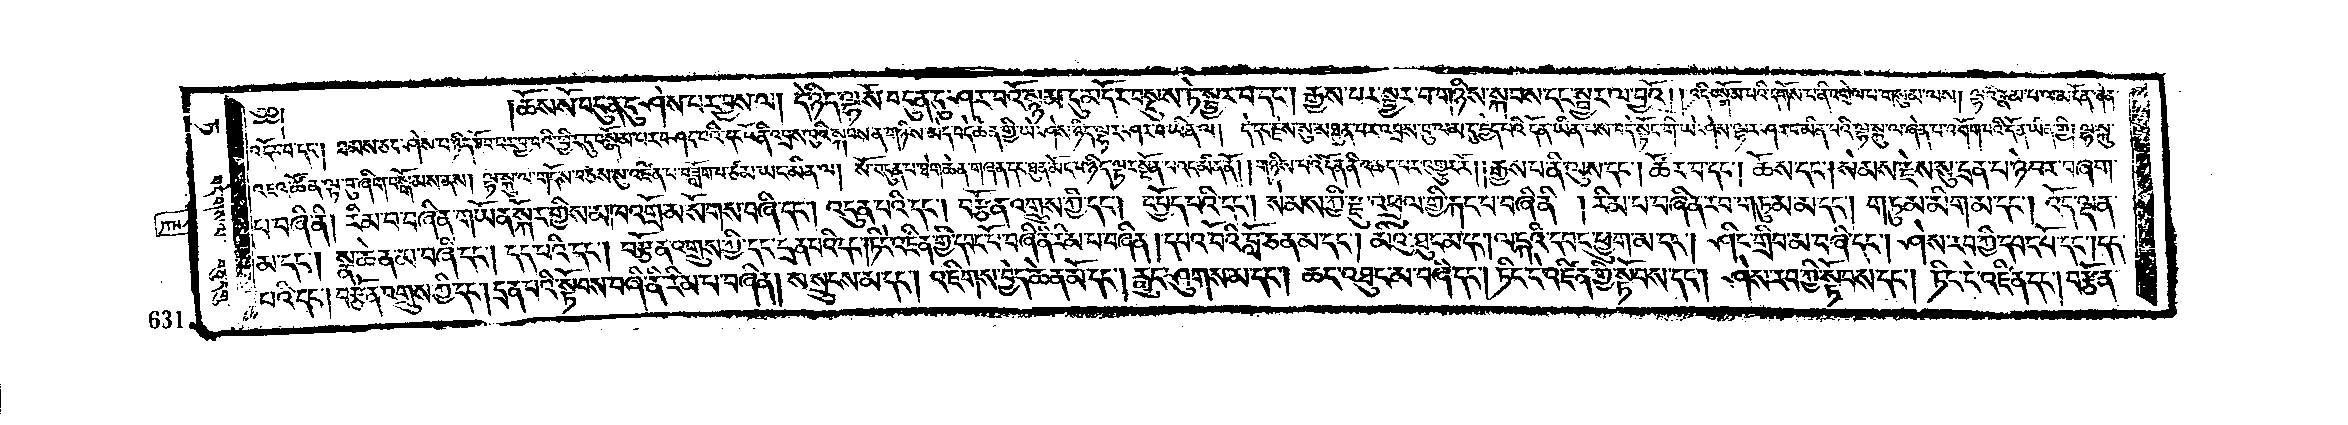༄༅། །ཆོས་སོ་བདུན་དུ་ཤེས་པར་བྱས་ལ། དེ་ཉིད་ལྷ་སོ་བདུན་དུ་ཤར་བའོ་སྙམ་དུ་མདོར་བསྡུས་ཏེ་སྦྱར་བ་དང་། རྒྱས་པར་སྦྱར་བ་གཉིས་སྐབས་དང་སྦྱར་ལ་བྱའོ། །འདི་བསྒོམ་པའི་དགོས་པ་ནི་འགྲེལ་པ་གསུམ་ལས། ལྷའི་རྣམ་པ་ལ་མངོན་ཞེན་
འདོར་བ་དང་། ཐམས་ཆད་ཤེས་པ་ཉིད་ཐོབ་པར་བྱ་བའི་ཕྱིར་དུ་བསྒོམ་པར་བཤད་པའི་དང་པོ་ནི་འབྲས་བུའི་སྐབས་ན་གཉི་མེད་བདེ་ཆེན་གྱི་ཡེ་ཤེས་ཉིད་ལྟར་ཤར་བ་ཡིན་ལ། དེ་དང་རྗེས་སུ་མཐུན་པར་འབྲས་བུ་ལམ་དུ་བྱེད་པའི་དོན་ཡིན་པས་བདེ་སྟོང་གི་ཡེ་ཤེས་ལྷར་ཤར་བ་མིན་པའི་ལྷ་སྐུ་ལ་ཞེན་པ་འགོག་པའི་དོན་ཡིན་གྱི། ལྷ་སྐུ་
འཇའ་ཚོན་ལྟ་བུ་ཞིག་བསྒོམས་ནས། ལྷ་སྐུ་ལ་གདོས་བཅས་སུ་འཛིན་པ་བཟློག་པ་ཙམ་ཡང་མིན་ལ། སོ་བདུན་པ་ཐེག་ཆེན་གཞན་དང་ཐུན་མོང་པ་ཉིད་ལྟར་སྟོན་པའང་མིན་ནོ། །གཉིས་པའི་དོན་ནི་འཆད་པར་འགྱུར་རོ། །རྒྱས་པ་ནི་ལུས་དང་། ཚོར་བ་དང་། ཆོས་དང་། སེམས་རྗེས་སུ་དྲན་པ་ཉེ་བར་བཞག་
པ་བཞི་ནི། རིམ་པ་བཞིན་གཡོན་སྐོར་གྱིས་མཁའ་འགྲོ་མ་སོགས་བཞི་དང་། འདུན་པའི་དང་། བརྩོན་འགྲུས་ཀྱི་དང་། དཔྱོད་པའི་དང་། སེམས་ཀྱི་རྫུ་འཕྲུལ་གྱི་རྐང་པ་བཞི་ནི། རིམ་པ་བཞིན་རབ་གཏུམ་མ་དང་། གཏུམ་མིག་མ་དང་། འོད་ལྡན་
མ་དང་། སྣ་ཆེན་མ་བཞི་དང་། དད་པའི་དང་། བརྩོན་འགྲུས་ཀྱི་དང་དྲན་པའི་དང་། ཏིང་ངེ་འཛིན་གྱི་དབང་པོ་བཞི་ནི་རིམ་པ་བཞིན། དཔའ་བོའི་བློ་ཅན་མ་དང་། མིའུ་ཐུང་མ་དང་། ལངྐའི་དབང་ཕྱུག་མ་དང་། ཤིང་གྲིབ་མ་བཞི་དང་། ཤེས་རབ་ཀྱི་དབང་པོ་དང་། དད་
པའི་དང་། བརྩོན་འགྲུས་ཀྱི་དང་། དྲན་པའི་སྟོབས་བཞི་ནི་རིམ་པ་བཞིན། ས་སྲུངས་མ་དང་། འཇིགས་བྱེད་ཆེན་མོ་དང་། རླུང་ཤུགས་མ་དང་། ཆང་འཐུང་མ་བཞི་དང་། ཏིང་ངེ་འཛིན་གྱི་སྟོབས་དང་། ཤེས་རབ་ཀྱི་སྟོབས་དང་། ཏིང་ངེ་འཛིན་དང་། བརྩོན་